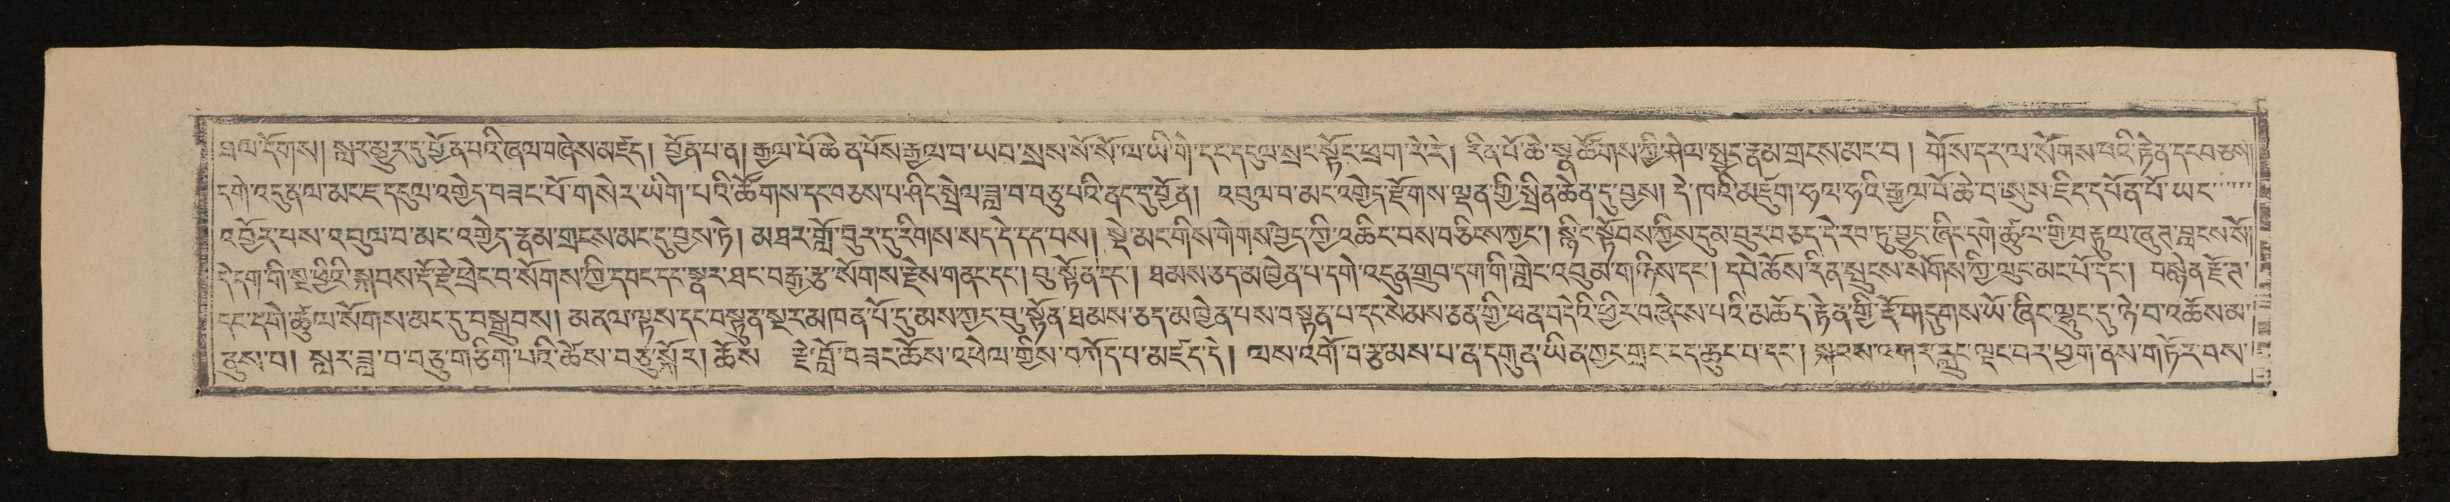ཐལ་དོགས། སླར་མྱུར་དུ་བྱོན་པའི་ཞལ་བཞེས་མཛད། བྱོན་པ་ན། རྒྱལ་པོ་ཆེན་པོས་རྒྱལ་བ་ཡབ་སྲས་སོ་སོ་ལ་ཡི་གེ་དང་དངུལ་སྲང་སྟོང་ཕྲག་རེ་རེ། རིན་པོ་ཆེ་སྣ་ཚོགས་ཀྱི་ཤེལ་སྤྱད་རྣམ་གྲངས་མང་བ། གོས་དར་ལ་སོགས་པའི་རྟེན་དང་བཅས།
དགེ་འདུན་ལ་མང་ཇ་དངུལ་འགྱེད་བཟང་པོ་གསེར་ཡིག་པའི་ཚོགས་དང་བཅས་པ་ཤིང་སྤྲེལ་ཟླ་བ་བཅུ་པའི་ནང་དུ་བྱོན། འབུལ་བ་མང་འགྱེད་རྫོགས་ལྡན་གྱི་སྤྲིན་ཆེན་དུ་བྱས། དེ་ཁའི་མཇུག་ཧལ་ཧའི་རྒྱལ་པོ་ཆེ་བ་ཨུས་ཇིང་དཔོན་པོ་ཡང་
འབྱོར་བས་འབུལ་བ་མང་འགྱེད་རྣམ་གྲངས་མང་དུ་བྱས་ཏེ། མཐར་གློ་བུར་དུ་རིགས་སད་དེ་དད་པས། སྡེ་མང་གིས་གེགས་བྱེད་ཀྱི་འཆིང་བས་བཅིངས་ཀྱང་། སྙིང་སྟོབས་ཀྱིས་དུམ་བུར་བཅད་དེ་རབ་ཏུ་བྱུང་ཞིང་དགེ་ཚུལ་གྱི་བརྟུལ་ཞུགས་བླངས་སོ།།
དེ་དག་གི་སྔ་ཕྱིའི་སྐབས་རྡོ་རྗེ་ཕྲེང་བ་སོགས་ཀྱི་དབང་དང་སྣར་ཐང་བརྒྱ་རྩ་སོགས་རྗེས་གནང་དང་། བུ་སྟོན་དང་། ཐམས་ཅད་མཁྱེན་པ་དགེ་འདུན་གྲུབ་ངག་གི་གླེང་འབུམ་གཉིས་དང་། དཔེ་ཆོས་རིན་སྤུངས་སོགས་ཀྱི་ལུང་མང་པོ་དང་། བསྙེན་
རྫོགས་དང་དགེ་ཚུལ་སོགས་མང་དུ་བསྒྲུབས། མནལ་ལྟས་དང་བསྟུན་སྔར་མཁན་པོ་དུ་མས་ཀྱང་བུ་སྟོན་ཐམས་ཅད་མཁྱེན་པས་བསྟན་པ་དང་སེམས་ཅན་གྱི་ཕན་བདེའི་ཕྱིར་བཞེངས་པའི་མཆོད་རྟེན་གྱི་རྡོ་གདུགས་ཡོ་ཞིང་ལྷུང་དུ་ཉེ་བ་
འཆོས་མ་ནུས་པ། སླར་ཟླ་བ་བཅུ་གཅིག་པའི་ཚེས་བཅུ་སྐོར། ཆོས་རྗེ་བློ་བཟང་ཆོས་འཕེལ་གྱིས་བཀོད་པ་མཛད་དེ། ལས་འགོ་བརྩམས་པ་ན་དགུན་ཡིན་ཀྱང་གྲང་ངད་ཆུང་བ་དང་། སྐབས་འགར་རླུང་ལྡང་བར་ཕྱག་ནས་གཏོར་བས་